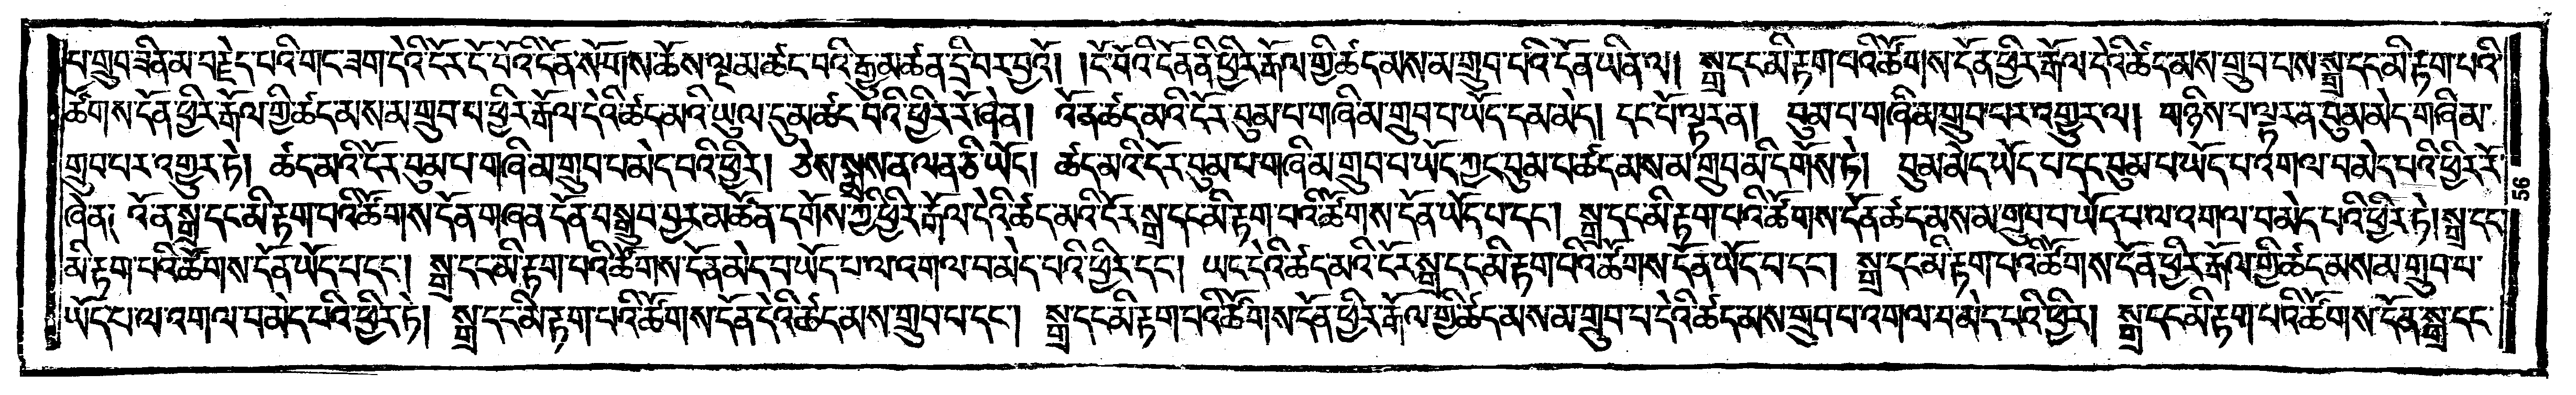པ་གྲུབ་ཟིན་མ་བརྗེད་པའི་གང་ཟག་དེའི་ངོར་ངོ་བོའི་དོན་སོགས་ཆོས་ལྔ་མ་ཚང་བའི་རྒྱུ་མཚན་དྲི་བར་བྱའོ། །ངོ་བོའི་དོན་ནི་ཕྱིར་རྒོལ་གྱི་ཚད་མས་མ་གྲུབ་པའི་དོན་ཡིན་ལ། སྒྲ་དང་མི་རྟག་པའི་ཚོགས་དོན་ཕྱིར་རྒོལ་དེའི་ཚེད་མས་གྲུབ་པས་སྒྲ་དང་མི་རྟག་པའི་
ཚོགས་དོན་ཕྱིར་རྒོལ་གྱི་ཚད་མས་མ་གྲུབ་པ་ཕྱིར་རྒོལ་དེའི་ཚད་མའི་ཡུལ་དུ་མ་ཚང་བའི་ཕྱིར་རོ་ཞེ་ན། འོན་ཚད་མའི་ངོར་བུམ་པ་གཞི་མ་གྲུབ་པ་ཡོད་དམ་མེད། དང་པོ་ལྟར་ན། བུམ་པ་གཞི་མ་གྲུབ་པར་འགྱུར་ལ། གཉིས་པ་ལྟར་ན་བུམ་མེད་གཞི་མ་
གྲུབ་པར་འགྱུར་ཏེ། ཚད་མའི་ངོར་བུམ་པ་གཞི་མ་གྲུབ་པ་མེད་པའི་ཕྱིར། ཅེས་སྨྲས་ན་ལན་ཅི་ཡོད། ཚད་མའི་དོར་བུམ་པ་གཞི་མ་གྲུབ་པ་ཡོད་ཀྱང་བུམ་པ་ཚད་མས་མ་གྲུབ་མི་དགོས་ཏེ། བུམ་མེད་ཡོད་པ་དང་བུམ་པ་ཡོད་པ་འགལ་བ་མེད་པའི་ཕྱིར་རོ་
ཞེ་ན༑ འོ་ན་སྒྲ་དང་མི་རྟག་པའི་ཚོགས་དོན་གཞན་དོན་བསྒྲུབ་བྱར་མཚོན་དགོས་ཀྱི་ཕྱིར་རྒོལ་དེའི་ཚད་མའི་ངོར་སྒྲ་དང་མི་རྟག་པའི་ཚོགས་དོན་ཡོད་པ་དང་། སྒྲ་དང་མི་རྟག་པའི་ཚོགས་དོན་ཚད་མས་མ་གྲུབ་པ་ཡོད་པ་ལ་འགལ་བ་མེད་པའི་ཕྱིར་ཏེ། སྒྲ་དང་
མི་རྟག་པའི་ཚོགས་དོན་ཡོད་པ་དང་། སྒྲ་དང་མི་རྟག་པའི་ཚོགས་དོན་མེད་པ་ཡོད་པ་ལ་འགལ་བ་མེད་པའི་ཕྱིར་དང་། ཡང་དེའི་ཚད་མའི་ངོར་སྒྲ་དང་མི་རྟག་པའི་ཚོགས་དོན་ཡོད་པ་དང་། སྒྲ་དང་མི་རྟག་པའི་ཚོགས་དོན་ཕྱིར་རྒོལ་གྱི་ཚད་མས་མ་གྲུབ་པ་
ཡོད་པ་ལ་འགལ་བ་མེད་པའི་ཕྱིར་ཏེ། སྒྲ་དང་མི་རྟག་པའི་ཚོགས་དོན་དེའི་ཚད་མས་གྲུབ་པ་དང་། སྒྲ་དང་མི་རྟག་པའི་ཚོགས་དོན་ཕྱིར་རྒོལ་གྱི་ཚད་མས་མ་གྲུབ་པ་དེའི་ཚད་མས་གྲུབ་པ་འགལ་བ་མེད་པའི་ཕྱིར། སྒྲ་དང་མི་རྟག་པའི་ཚོགས་དོན་སྒྲ་དང་